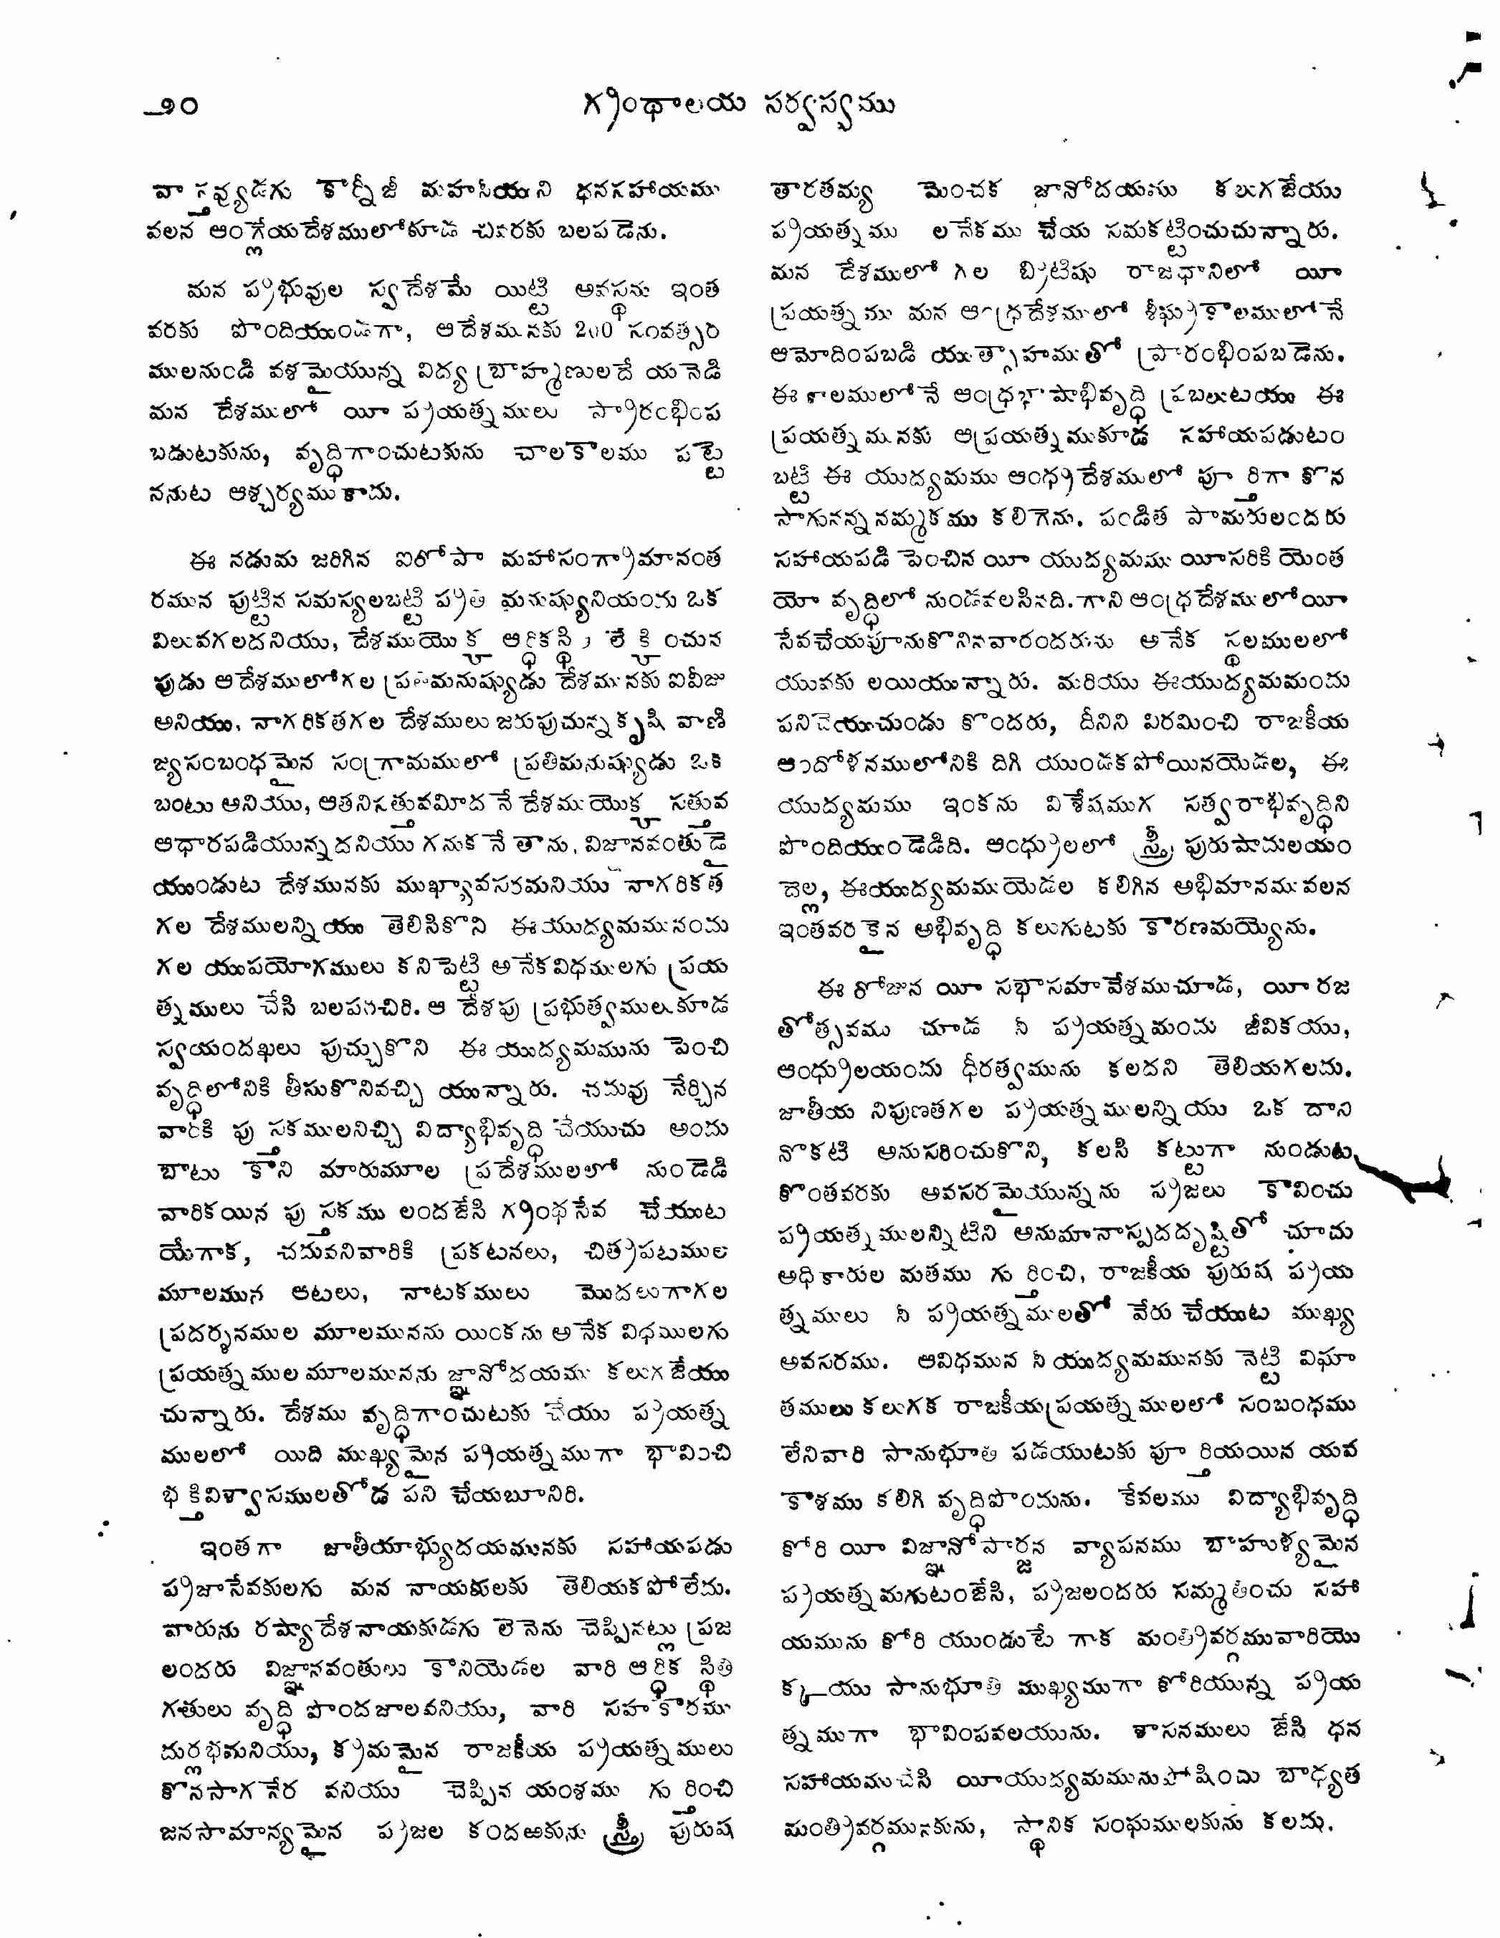వాస్తవ్యుడగు కార్నీజీ మహనీయుని ధనసహాయము వలన ఆంగ్లేయ దేశములో కూడ చివరకు బలపడెను.

మన ప్రభువుల స్వదేశమే యిట్టి అవస్టసను ఇంతవరకు పొందియుండగా, ఆదేశమునకు 200 సంవత్సరములనుఁడి వళమైయున్న 
విద్య బ్రాహ్మణులదే యనెడి మన దేశములో యీ ప్రయత్నములు ప్రారంభింపబడుటకును, వృద్ధి గాంచుటకును చాల కాలము 
పట్టెననుట ఆశ్చర్యము కాదు.

ఈ నడుమ జరిగిన ఐరోపా మహా సంగ్రామానంతరమున పుట్టిన సమస్యలబట్టి ప్రతి మనుష్యునియంగు ఒక విలువగలదనియు, దేశముయొక్క ఆర్థికస్థితి లేక్కించున నప్పుడు అదేశములోగల ప్రతిమనుష్యుడు దేశమునకు ఐవీజు అనియు, నాగరికతగల దేశములు జరుపుచున్న కృషి వాణిజ్యసంబంధమైన సంగ్రామములో ప్రతిమనుష్యుడు ఒక బంటు అనియు, ఆతని సత్తువమీదనే దేశము యొక సత్తువ ఆధారపడి యున్నదనియు గనుకనే తాను, విజానవంతుడై యుండుట దేశమునకు ముఖ్యావసరమనియు నాగరికత గల దేశములన్నియు తెలిసికొని ఈ యుద్యమము నందుగల యుపయోగములు కనిపెట్టి అనేక విధములగు ప్రయత్నములు చేసి బలపనిచిరి. ఆ దేశపు ప్రభుత్వములు కూడ స్వయందఖలు పుచ్చుకొని ఈ యుద్యమమును పెంచి వృద్ధిలోనికి లోనికి తీసుకొనివచ్చి యున్నారు. చదువు నేర్చినవారికి పుస్తకములనిచ్చి విద్యాభివృద్ధి చేయుచు అందుబాటు కాని మారుమూల ప్రదేశములలో నుండెడి వారికయిన పుస్తకము లందజేసి గ్రంధ సేవ చేయుటయేగాక, చదువనివారికి ప్రకటనలు, చిత్రపటముల మూలమున ఆటలు, నాటకములు మొదలుగాగల ప్రదర్శనముల మూలమునను యింకను అనేక విధములగు ప్రయత్నముల మూలమునను జ్ఞానోదయము కలుగ జేయుచున్నారు. దేశము వృద్ధిగాంచుటకు చేయు ప్రయత్నములలో యిది ముఖ్య మైన ప్రయత్నముగా భావించి భక్తి, విశ్వాసముల తోడ పని చేయబూనిరి.

ఇంతగా జాతీయాభ్యుదయమునకు సహాయపడు ప్రజాసేవకులగు మన నాయకులకు తెలియకపోలేదు. వారును రష్యా దేశ నాయకుడగు లెనెను చెప్పినట్లు ప్రజలందరు విజ్ఞానవంతులు కానియెడల వారి ఆర్థిక స్థితి గతులు వృద్ధి పొందజాలవనియు, వారి సహకారము
దుర్లభమనియు, క్రమమైన రాజకీయ ప్రయత్నములు కొనసాగ నేరవనియు చెప్పిన గుర్తించి జనసామాన్యమైన ప్రజల కందఱకును
శ్రీ పురుష తారతమ్య మెంచక జ్ఙానోదయము కలుగజేయు ప్రయత్నము లనేకము చేయ సమకట్టించుచున్నారు. మన దేశములో గల బ్రిటిషు రాజధానిలో యి ప్రయత్నము మన ఆంధ్రదేశములో శీఘ కాలములోనే ఆమోదింపబడి యుత్సాహముతో ప్రారంభింపబడెను.
ఈ కాలములోనే ఆంధ్రభాషాభివృద్ధి ప్రబలుటయు ఈ ప్రయత్నమునకు అప్రయత్నముకూడ సహాయపడుటంబట్టి ఈ యుద్యమము ఆంధ్ర దేశములో పూర్తిగా కొనసాగునన్న నమ్మకము కలిగెను. పండిత పామరులందరు సహాయపడి పెంచిన యీ యుద్యమము యీసరికి యెంతయో వృద్ధిలో నుండవలసినది. గాని ఆంధ్రదేశములో యీసేవచేయపూను కొనినవారందరును అనేక స్టలములలో యువకులయి యున్నారు. మరియు ఈయుద్యమ మందు పనిచేయుచుండు కొందరు, దీనిని విరమించి రాజకీయ ఆందోళనములోనికి దిగి యుండక పోయినయెడల, ఈ యుద్యమము ఇంకను విశేషముగ సత్వరాభివృద్ధిని పొందియుండెడిది. ఆంధ్రులలో స్త్రీ పురుషాదులయందెల్ల, ఈయుద్యమము యెడల కలిగిన అభిమానము వలన ఇంతవరకైన అభివృద్ధి కలుగుటకు కారణమయ్యెను.

ఈ రోజున యీ సభాసమావేశము చూడ, యీ రజతోత్సవము చూడ నీ ప్రయత్నమందు జీవికయు, ఆంధ్రులయందు ధీరత్వమును 
కలదని తెలియగలదు. జాతీయ నిపుణతగల ప్రయత్నములన్నియు ఒక దాని నొకటి అనుసరించుకొని, కలసి కట్టుగా నుండుట,
కొంతవరకు అవసరమై యున్నను ప్రజలు కావించు ప్రయత్నములన్నిటిని అనుమానాస్పద దృష్టితో చూచు అధికారుల మతము గుర్తించి, రాజకీయ పురుష ప్రయత్నములు నీ ప్రయత్నములతో వేరు చేయుట ముఖ్య అవసరము. ఆవిధమున నీ యుద్యమమునకు నెట్టి విఘాతములు కలుగక రాజకీయప్రయత్నములలో సంబంధము లేనివారి సానుభూతి పడయుటకు పూర్తియయిన యవకాశము కలిగి వృద్ధిపొందును. కేవలము విద్యాభివృద్ధి కోరి యీ విజ్ఞానోపార్జన వ్యాపనము బాహుళ్యమైన ప్రయత్నమగుటంజేసి, ప్రజలందరు సమ్మతించు సహాయమును కోరి యుండుటే గాక మంత్రివర్గము వారి యొక్కయు సానుభూతి ముఖ్యముగా కోరియున్న ప్రయత్నముగా భావింపవలయును. శాసనములు జేసి ధన సహాయము చేసి యీ యుద్యమమును పోషించు బాధ్యత మంత్రి వర్గమునకును, స్థానిక సంఘములకును కలదు.